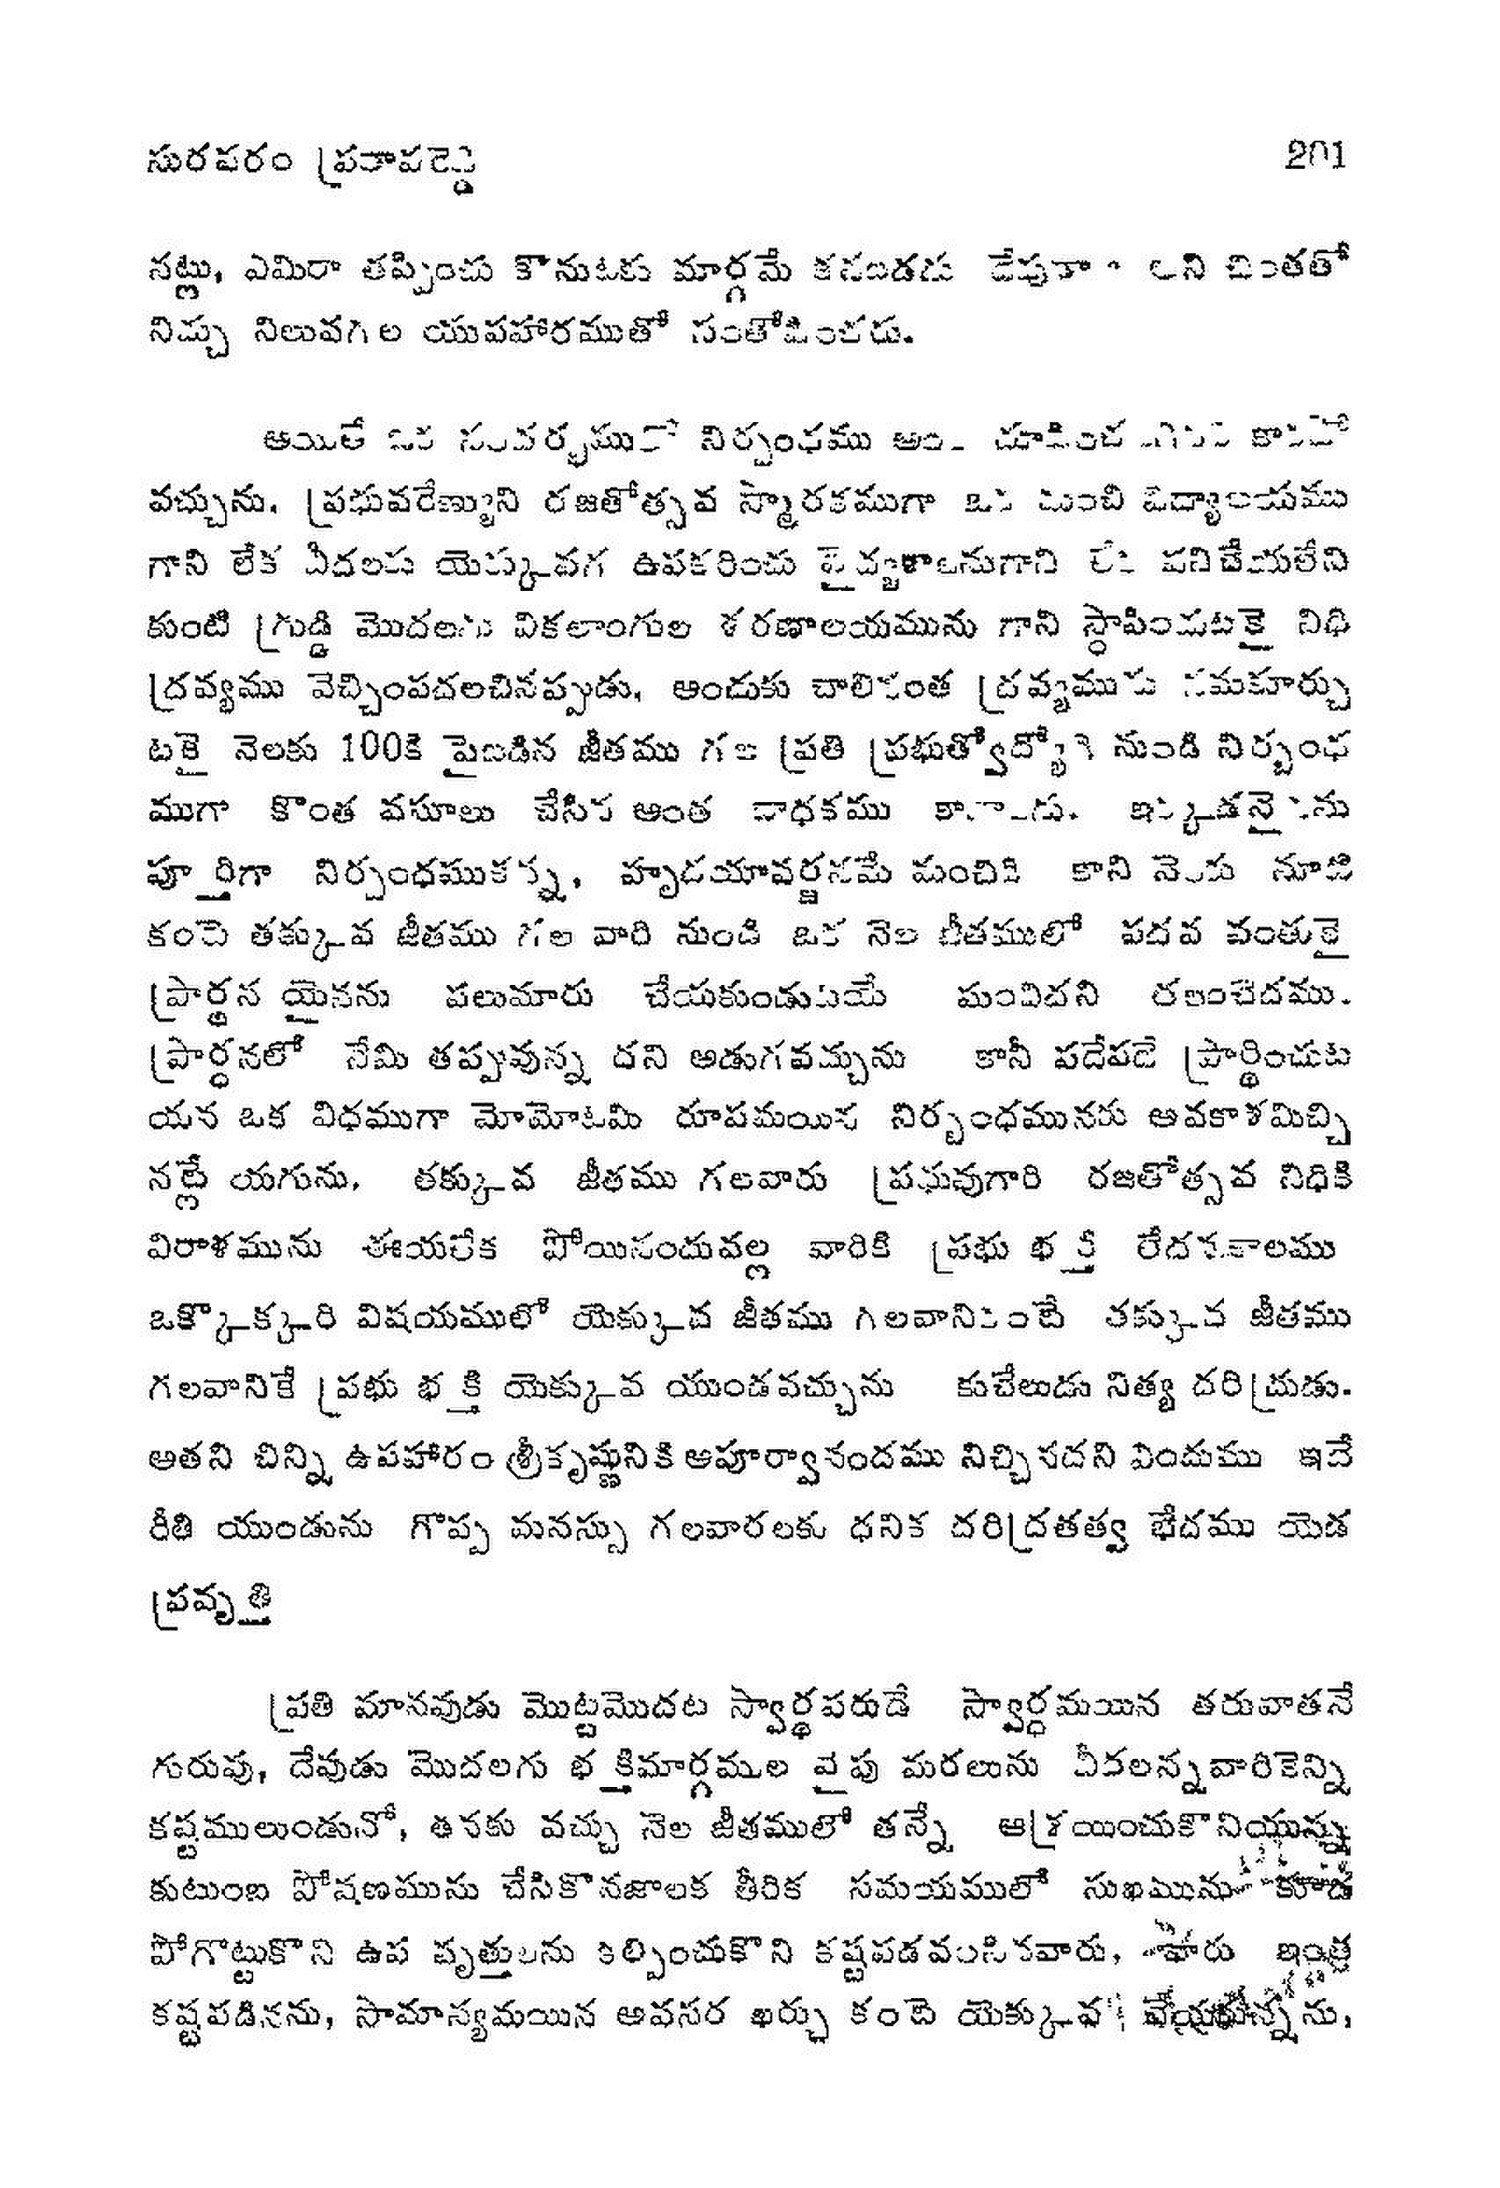నట్లు, ఎమిరా తప్పించు కొనుటకు మార్గమే కనబడదు దేవుడా? అని చింతతో నిచ్చు విలువగల యువహారముతో సంతోషించరు.

అయితే ఒక సందర్భములో నిర్బంధము అందు చూపించికలిగిన కాకపోవచ్చును. ప్రభువరేణ్యుని రజతోత్సవ స్మారకముగా ఒక మంచి విద్యాలయముగాని లేక బీదలకు యెక్కువగ ఉపకరించు వైద్యశాలనుగాని లేక పనిచేయలేని కుంటి గ్రుడ్డి మొదలగు వికలాంగుల శరణాలయమును గాని స్థాపించుటకై నిధి ద్రవ్యము వెచ్చింపదలచినప్పుడు, అందుకు చాలినంత ద్రవ్యమును సమకూర్చుటకై నెలకు 100కి పైబడిన జీతము గల ప్రతి ప్రభుత్వోద్యోగి నుండి నిర్బంధముగా కొంత వసూలు చేసిన అంత బాధకము కాజాలదు. ఇక్కడనైనను పూర్తిగా నిర్బంధముకన్న, హృదయావర్జనమే మంచిది కాని నెలకు నూటి కంటె తక్కువ జీతము గల వారి నుండి ఒక నెల జీతములో పదవ వంతుకై ప్రార్థన యైనను పలుమారు చేయకుండుటయే మంచిదని దలంచెదము. ప్రార్ధనలో నేమి తప్పువున్న దని అడుగవచ్చును కాని పదేపదే ప్రార్థించుట యన ఒక విధముగా మోమోటమి రూపమయిన నిర్బంధమునకు అవకాశమిచ్చినట్లే యగును. తక్కువ జీతము గలవారు ప్రభువుగారి రజతోత్సవ నిధికి విరాళమును ఈయలేక పోయినందువల్ల వారికి ప్రభు భక్తి లేదనజాలము ఒక్కొక్కరి విషయములో యెక్కువ జీతము గలవానికంటే తక్కువ జీతము గలవానికే ప్రభు భక్తి యెక్కువ యుండవచ్చును కుచేలుడు నిత్య దరిద్రుడు. అతని చిన్ని ఉపహారం శ్రీకృష్ణునికి అపూర్వానందము నిచ్చినదని విందుము ఇదే రీతి యుండును గొప్ప మనస్సు గలవారలకు ధనిక దరిద్రతత్వ భేదము యెడ ప్రవృత్తి

ప్రతి మానవుడు మొట్టమొదట స్వార్థపరుడే స్వార్ధమయిన తరువాతనే గురువు, దేవుడు మొదలగు భక్తిమార్గముల వైపు మరలును బీదలన్నవారికెన్ని కష్టములుండునో, తనకు వచ్చు నెల జీతములో తన్నే ఆశ్రయించుకొనియున్నకుటుంబ పోషణమును చేసికొనజాలక తీరిక సమయములో సుఖమును కూడ పోగొట్టుకొని ఉప వృత్తులను కల్పించుకొని కష్టపడవలసినవారు, వారు ఇంత కష్టపడినను, సామాన్యమయిన అవసర ఖర్చు కంటె యెక్కువ చేయకున్నను,